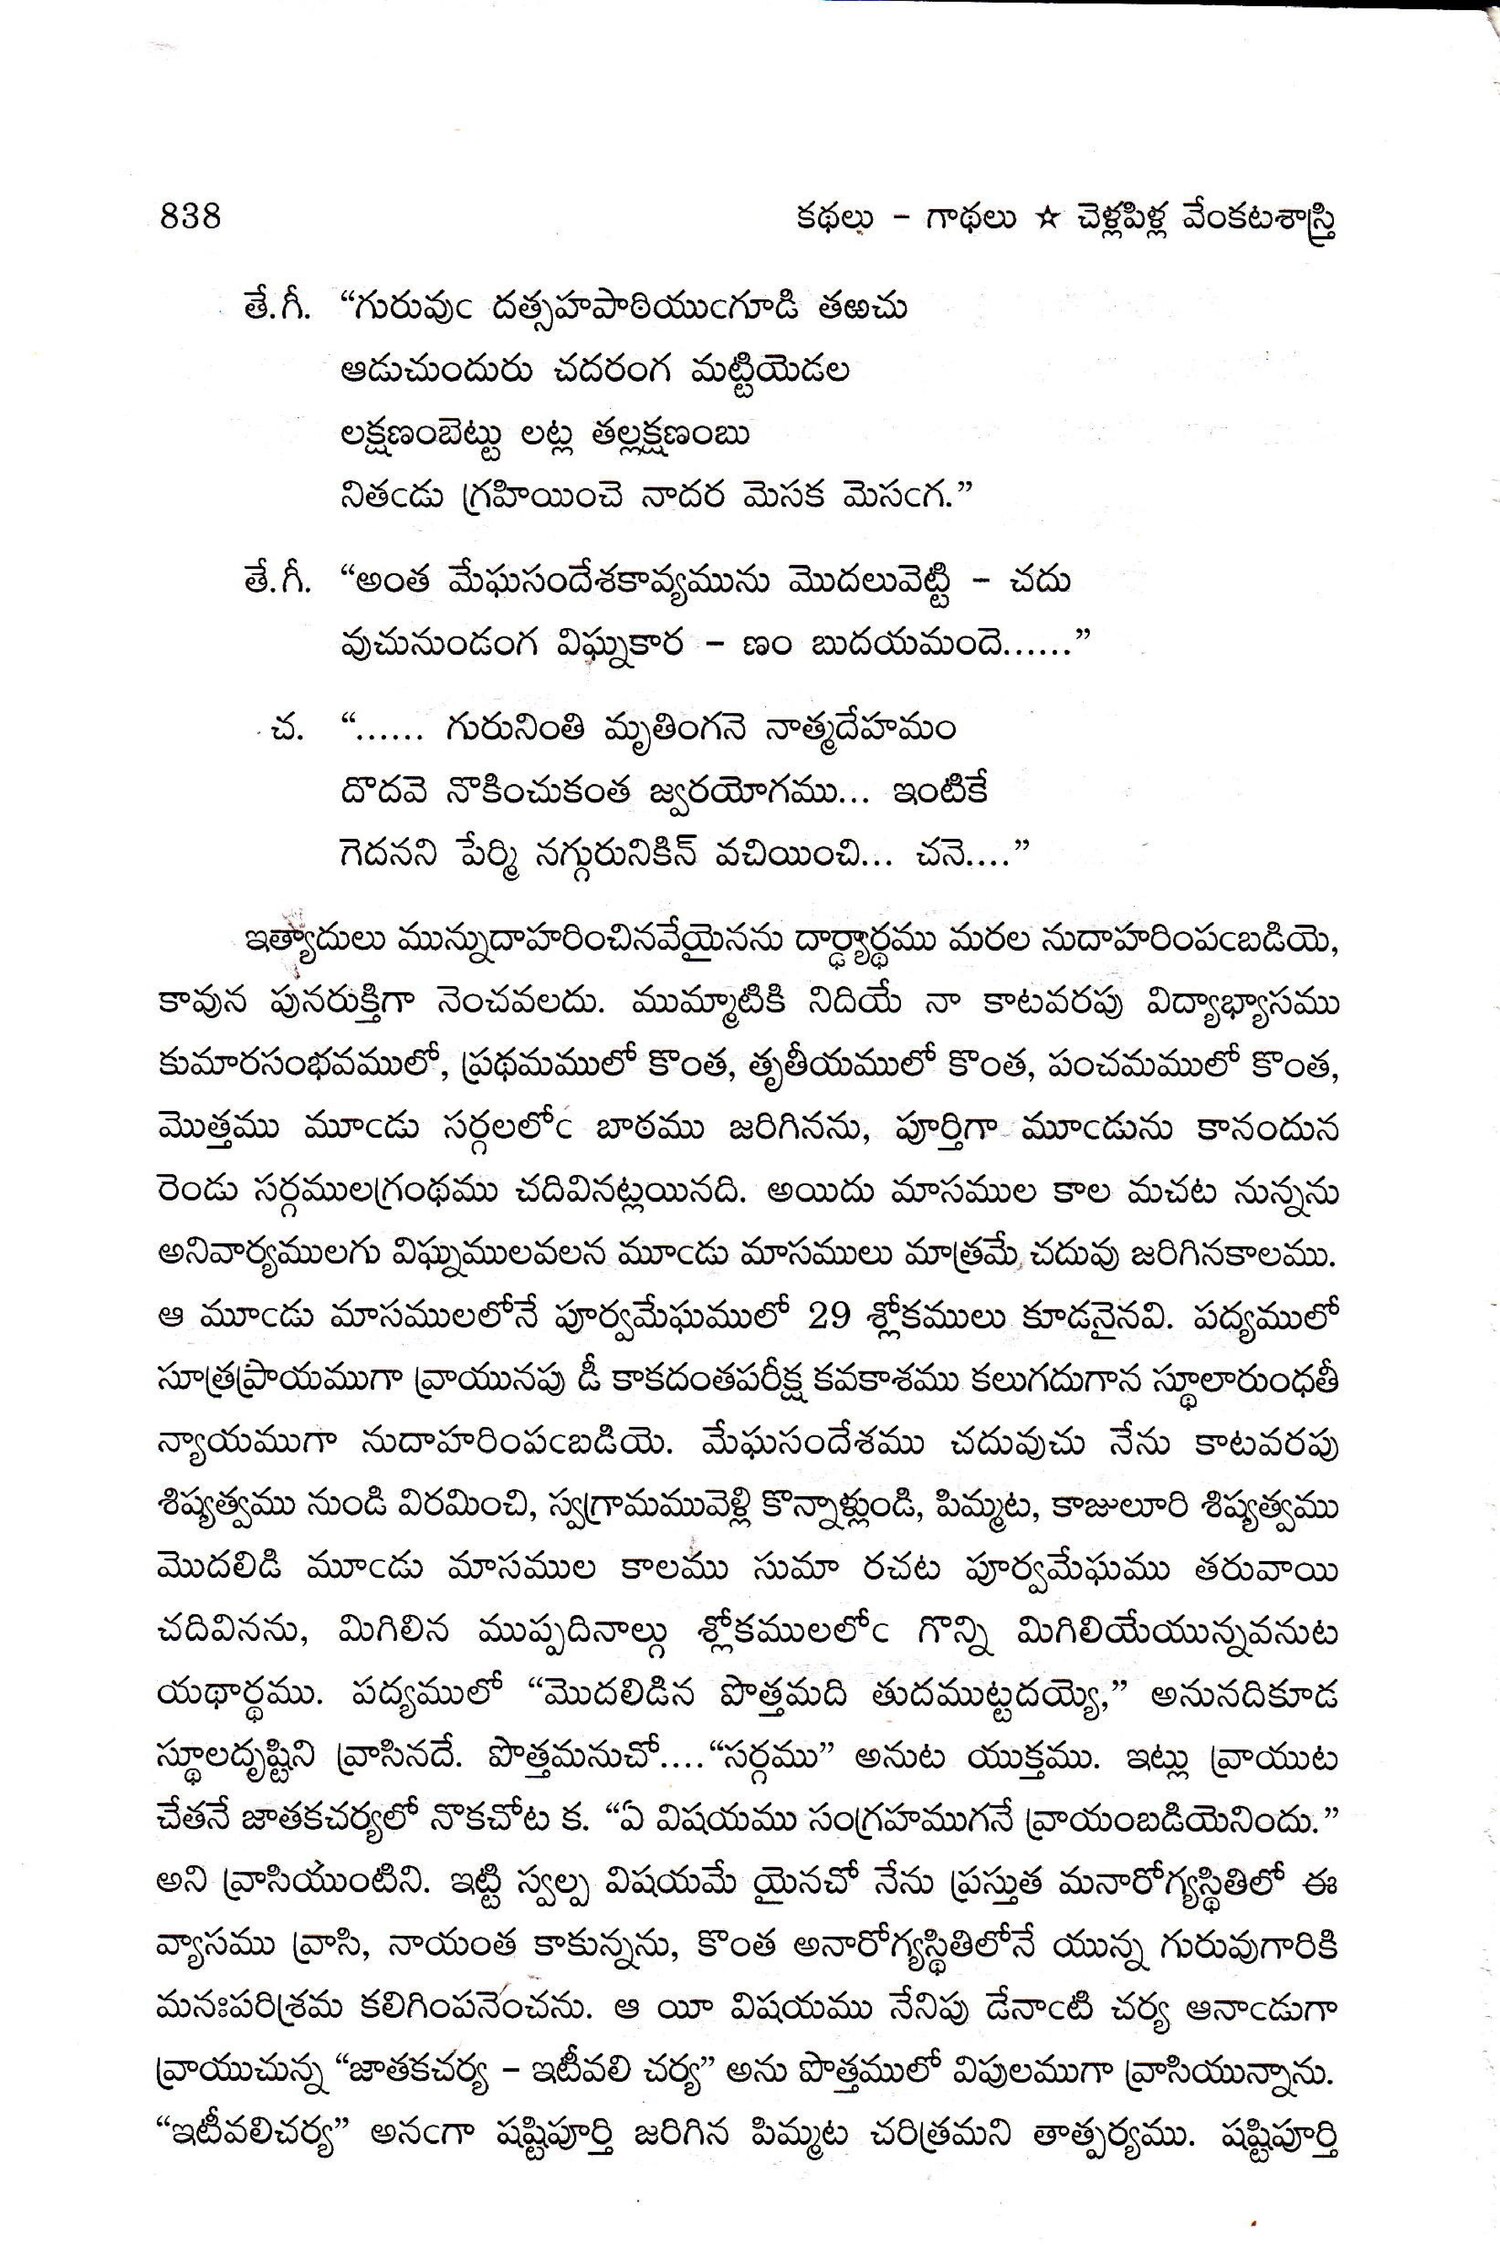తే.గీ. “గురువుఁ దత్సహపాఠియుఁగూడి తఱచు
 ఆడుచుందురు చదరంగ మట్టియెడల 
 లక్షణంబెట్టు లట్ల తల్లక్షణంబు 
 నితఁడు గ్రహియించె నాదర మెసక మెసఁగ."

తే.గీ. “అంత మేఘసందేశకావ్యమును మొదలువెట్టి - చదు
 వుచునుండంగ విఘ్నకార - ణం బుదయమందె......"

చ. "...... గురునింతి మృతింగనె నాత్మదేహమం
 దొదవె నొకించుకంత జ్వరయోగము. ఇంటికే 
 గెదనని పేర్మి నగ్గురునికిన్ వచియించి... చనె...."
ఇత్యాదులు మునుదాహరించినవేయైనను దార్థ్యార్ధము మరల నుదాహరింపఁబడియె, కావున పునరుక్తిగా నెంచవలదు. ముమ్మాటికి నిదియే నా కాటవరపు విద్యాభ్యాసము కుమారసంభవములో, ప్రథమములో కొంత, తృతీయములో కొంత, పంచమములో కొంత మొత్తము మూఁడు సర్గలలోఁ బాఠము జరిగినను, పూర్తిగా మూఁడును కానందున రెండు సర్గములగ్రంథము చదివినట్లయినది. అయిదు మాసముల కాల మచట నున్నను అనివార్యములగు విఘ్నములవలన మూఁడు మాసములు మాత్రమే చదువు జరిగినకాలము. ఆ మూఁడు మాసములలోనే పూర్వమేఘములో 29 శ్లోకములు కూడనైనవి. పద్యములో సూత్రప్రాయముగా వ్రాయునపు డీ కాకదంతపరీక్ష కవకాశము కలుగదుగాన స్థూలారుంధతీ న్యాయముగా నుదాహరింపఁబడియె. మేఘసందేశము చదువుచు నేను కాటవరపు శిష్యత్వము నుండి విరమించి, స్వగ్రామమువెళ్లి కొన్నాళ్లుండి, పిమ్మట, కాజులూరి శిష్యత్వము మొదలిడి మూఁడు మాసముల కాలము సుమా రచట పూర్వమేఘము తరువాయి చదివినను, మిగిలిన ముప్పదినాల్గు శ్లోకములలోఁ గొన్ని మిగిలియేయున్నవనుట యథార్థము. పద్యములో “మొదలిడిన పొత్తమది తుదముట్టదయ్యె,” అనునదికూడ స్థూలదృష్టిని వ్రాసినదే. పొత్తమనుచో..."సర్గము" అనుట యుక్తము. ఇట్లు వ్రాయుట చేతనే జాతకచర్యలో నొకచోట క. “ఏ విషయము సంగ్రహముగనే వ్రాయంబడియెనిందు.” అని వ్రాసియుంటిని. ఇట్టి స్వల్ప విషయమే యైనచో నేను ప్రస్తుత మనారోగ్యస్థితిలో ఈ వ్యాసము వ్రాసి, నాయంత కాకున్నను, కొంత అనారోగ్యస్థితిలోనే యున్న గురువుగారికి మనఃపరిశ్రమ కలిగింపనెంచను. ఆ యీ విషయము నేనిపు డేనాఁటి చర్య ఆనాఁడుగా వ్రాయుచున్న"జాతకచర్య - ఇటీవలి చర్య" అను పొత్తములో విపులముగా వ్రాసియున్నాను. "ఇటీవలిచర్య" అనఁగా షష్టిపూర్తి జరిగిన పిమ్మట చరిత్రమని తాత్పర్యము. షష్టిపూర్తి